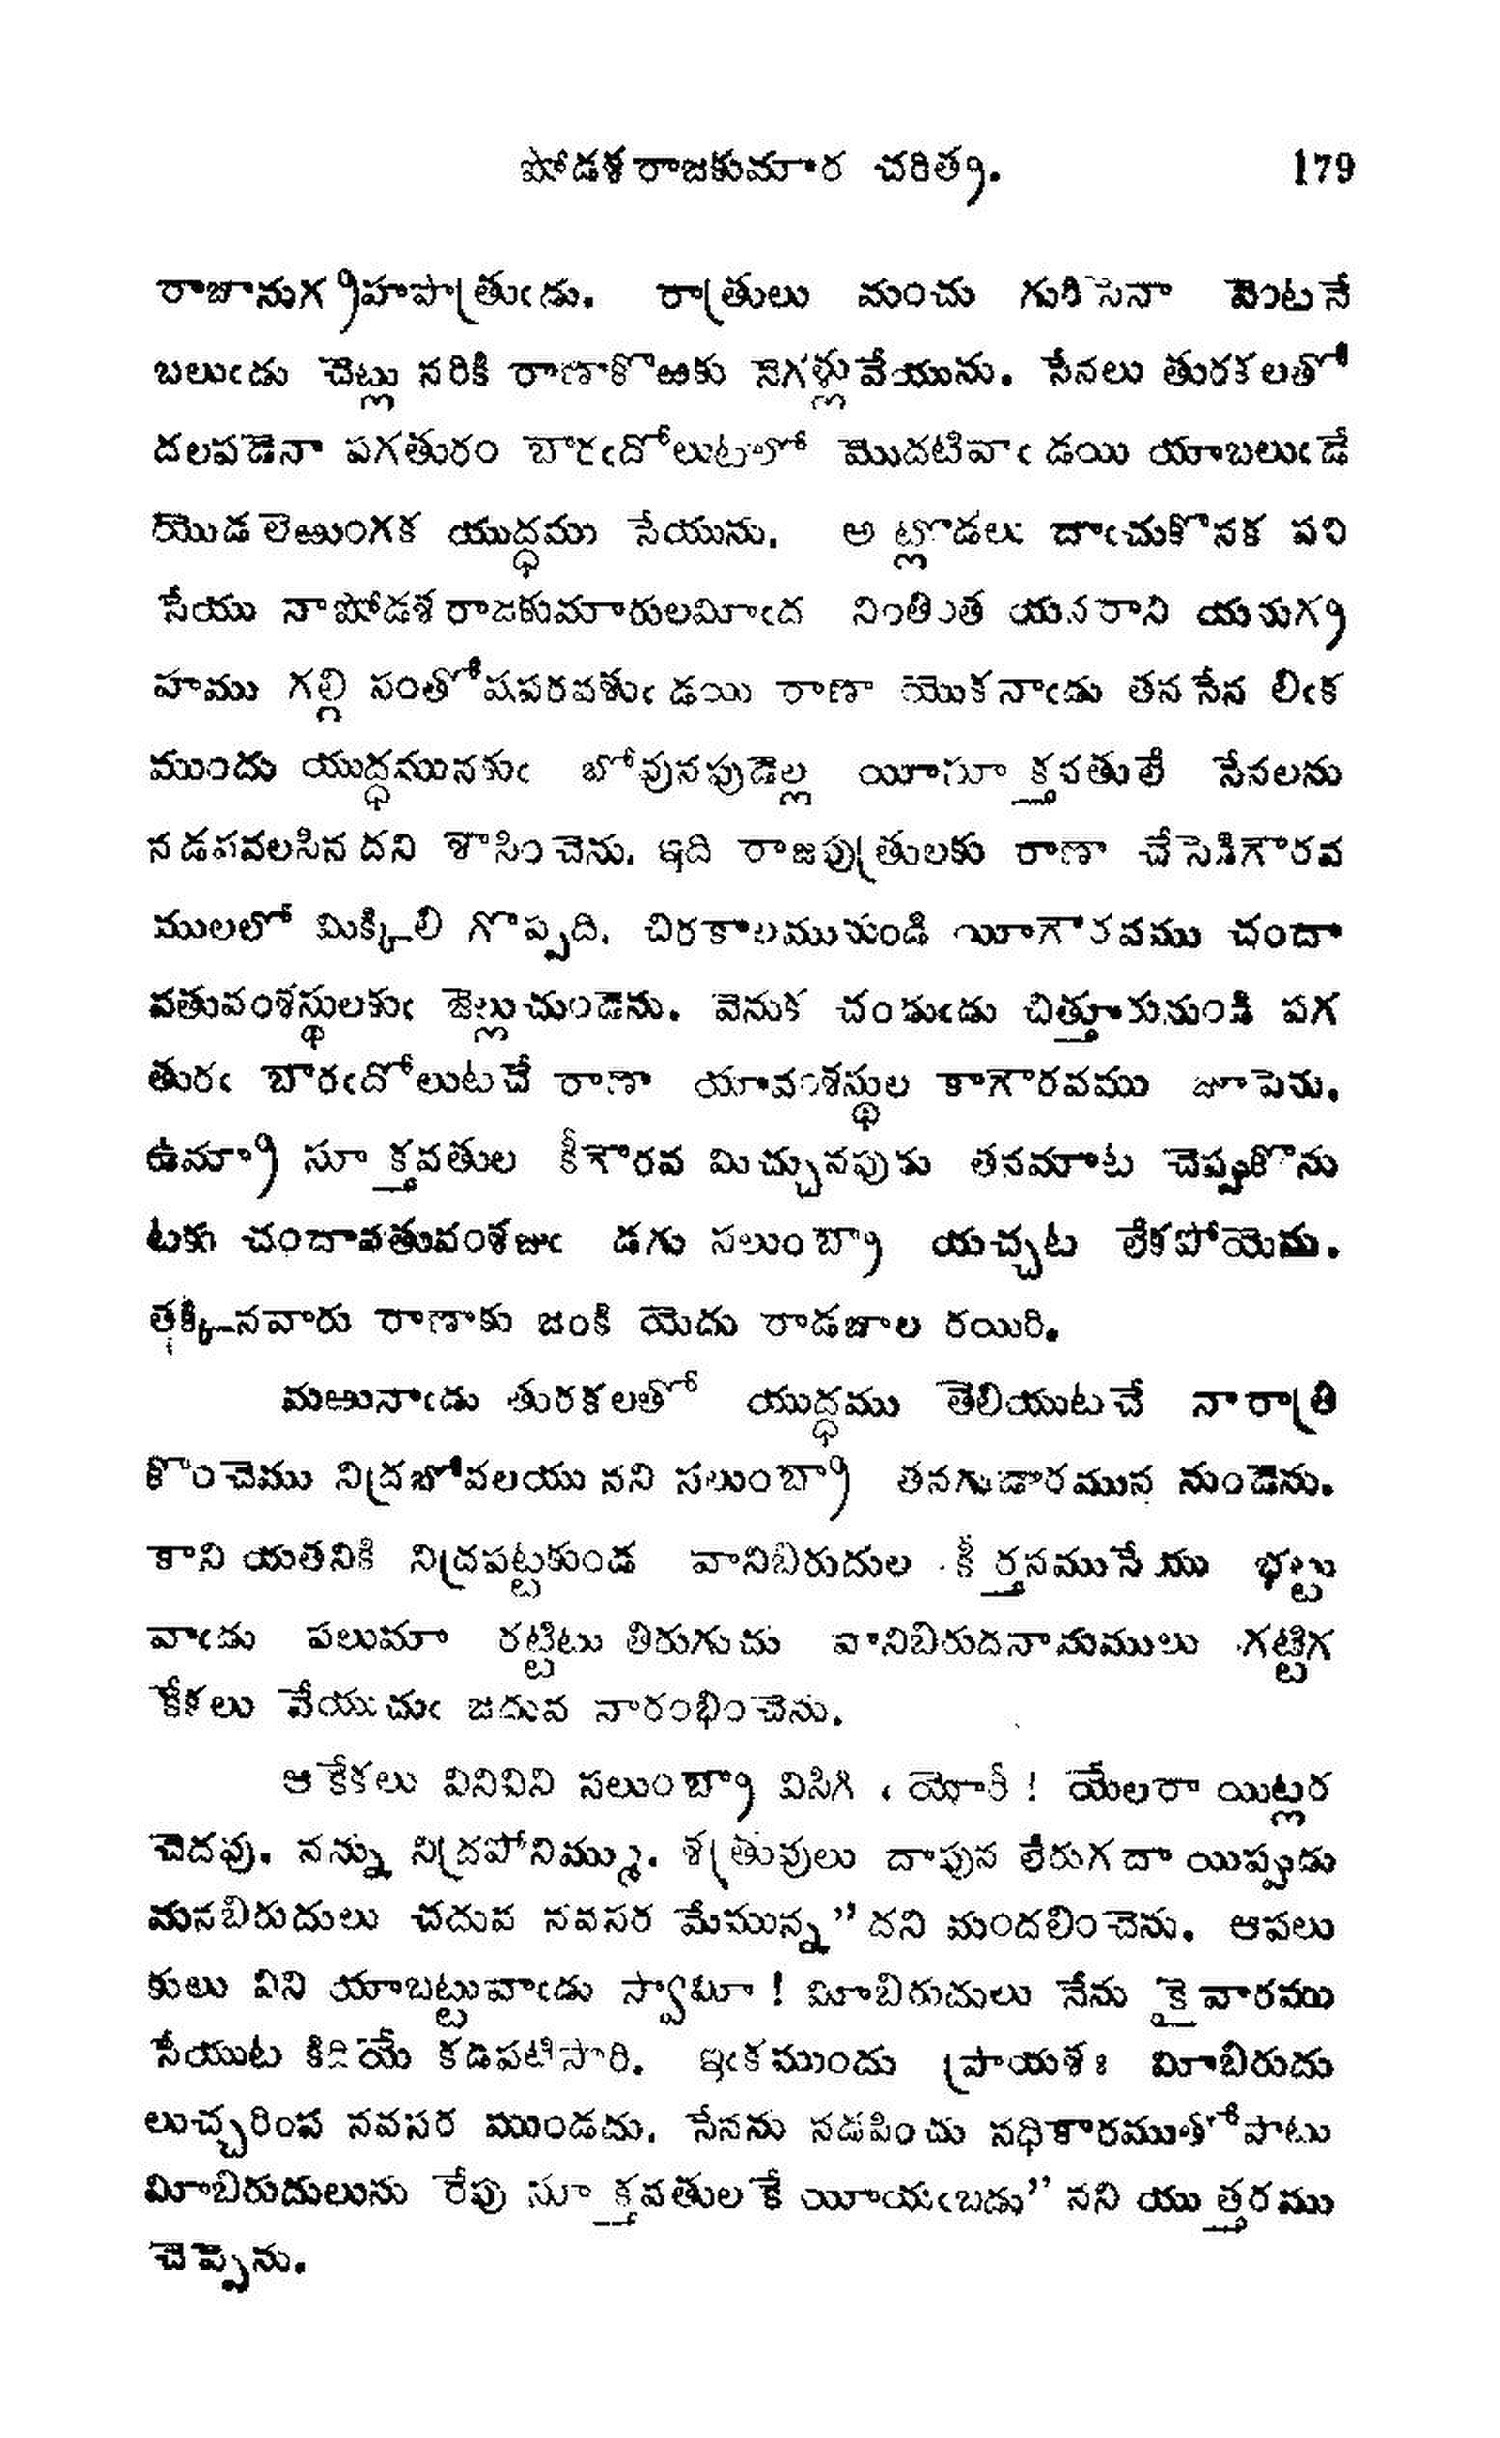రాజానుగ్రహపాత్రుఁడు. రాత్రులు మంచు గురిసెనా వెంటనే బలుఁడు చెట్లు నరికి రాణా కొఱకు నెగళ్లు వేయును. సేనలు తురకలతో
దలపడెనా పగతురం బారఁదోలుటలో మొదటివాఁడయి యాబలుఁడే యొడ లెఱుంగక యుద్ధము సేయును. అట్లోడలు దాఁచుకొనక పని
సేయు నాషోడశ రాజకుమారులమీఁద నింతిత యనరాని యనుగ్రహము గల్గి సంతోషపరవశుఁ డయి రాణా యొకనాఁడు తన సేన లిఁక
ముందు యుద్ధమునకుఁ బోవునపుడెల్ల యీసూక్తవతులే సేనలను నడపవలసిన దని శాసించెను. ఇది రాజపుత్రులకు రాణా చేసెడి గౌరవ
ములలో మిక్కిలి గొప్పది. చిరకాలము నుండి యీగౌరవము చందావతువంశస్థులకుఁ జెల్లుచుండెను. వెనుక చండుండు చిత్తూరునుండి పగతురఁ బారఁదోలుట చే రాణా యావంశస్థుల కాగౌరవము జూపెను,ఉమ్రా సూక్తవతుల కీగౌరవ మిచ్చునపుకు తనమాట చెప్పుకొను
టకు చందావతువంశజుఁడగు సలుంబ్రా యచ్చట లేక పోయెను. తక్కినవారు రాణాకు జంకి యెదు రాడజాల రయిరి.

మఱునాడు తురకలతో యుద్ధముతెలియుటచే నారాత్రి కొంచెము నిద్రబోవలయు నని సలుంబ్రా తనగుడారమున నుండెను. కాని యతనికి నిద్రపట్టకుండ వానిబిరుదుల కీర్తనము సేయు భట్టు వాడు పలుమా రట్టిటు తిరుగుచు వానిబిరుదనామములు గట్టిగ కేకలు వేయుచుఁ జదువ నారంభించెను.

ఆ కేకలు వినివిని సలుంబ్రా విసిగి యోరీ ! యేలరా యిట్లరచెదవు. నన్ను నిద్రపోనిమ్ము. శత్రువులు దాపున లేరుగదా యిప్పుడు మన బిరుదులు చదువ నవసర మేమున్న”దని మందలించెను. ఆపలుకులు విని యాబట్టువాడు స్వామీ ! మీబిరుదులు నేను కైవారము
సేయుట కిదియే కడపటి సారి. ఇఁకముందు ప్రాయశః మీబిరుదులుచ్చరింప నవసర ముండదు. సేనను నడపించు నధికారముతో పాటు
మీబిరుదులును రేపు సూక్తవతులకే యీయఁబడు" నని యుత్తరము చెప్పెను.